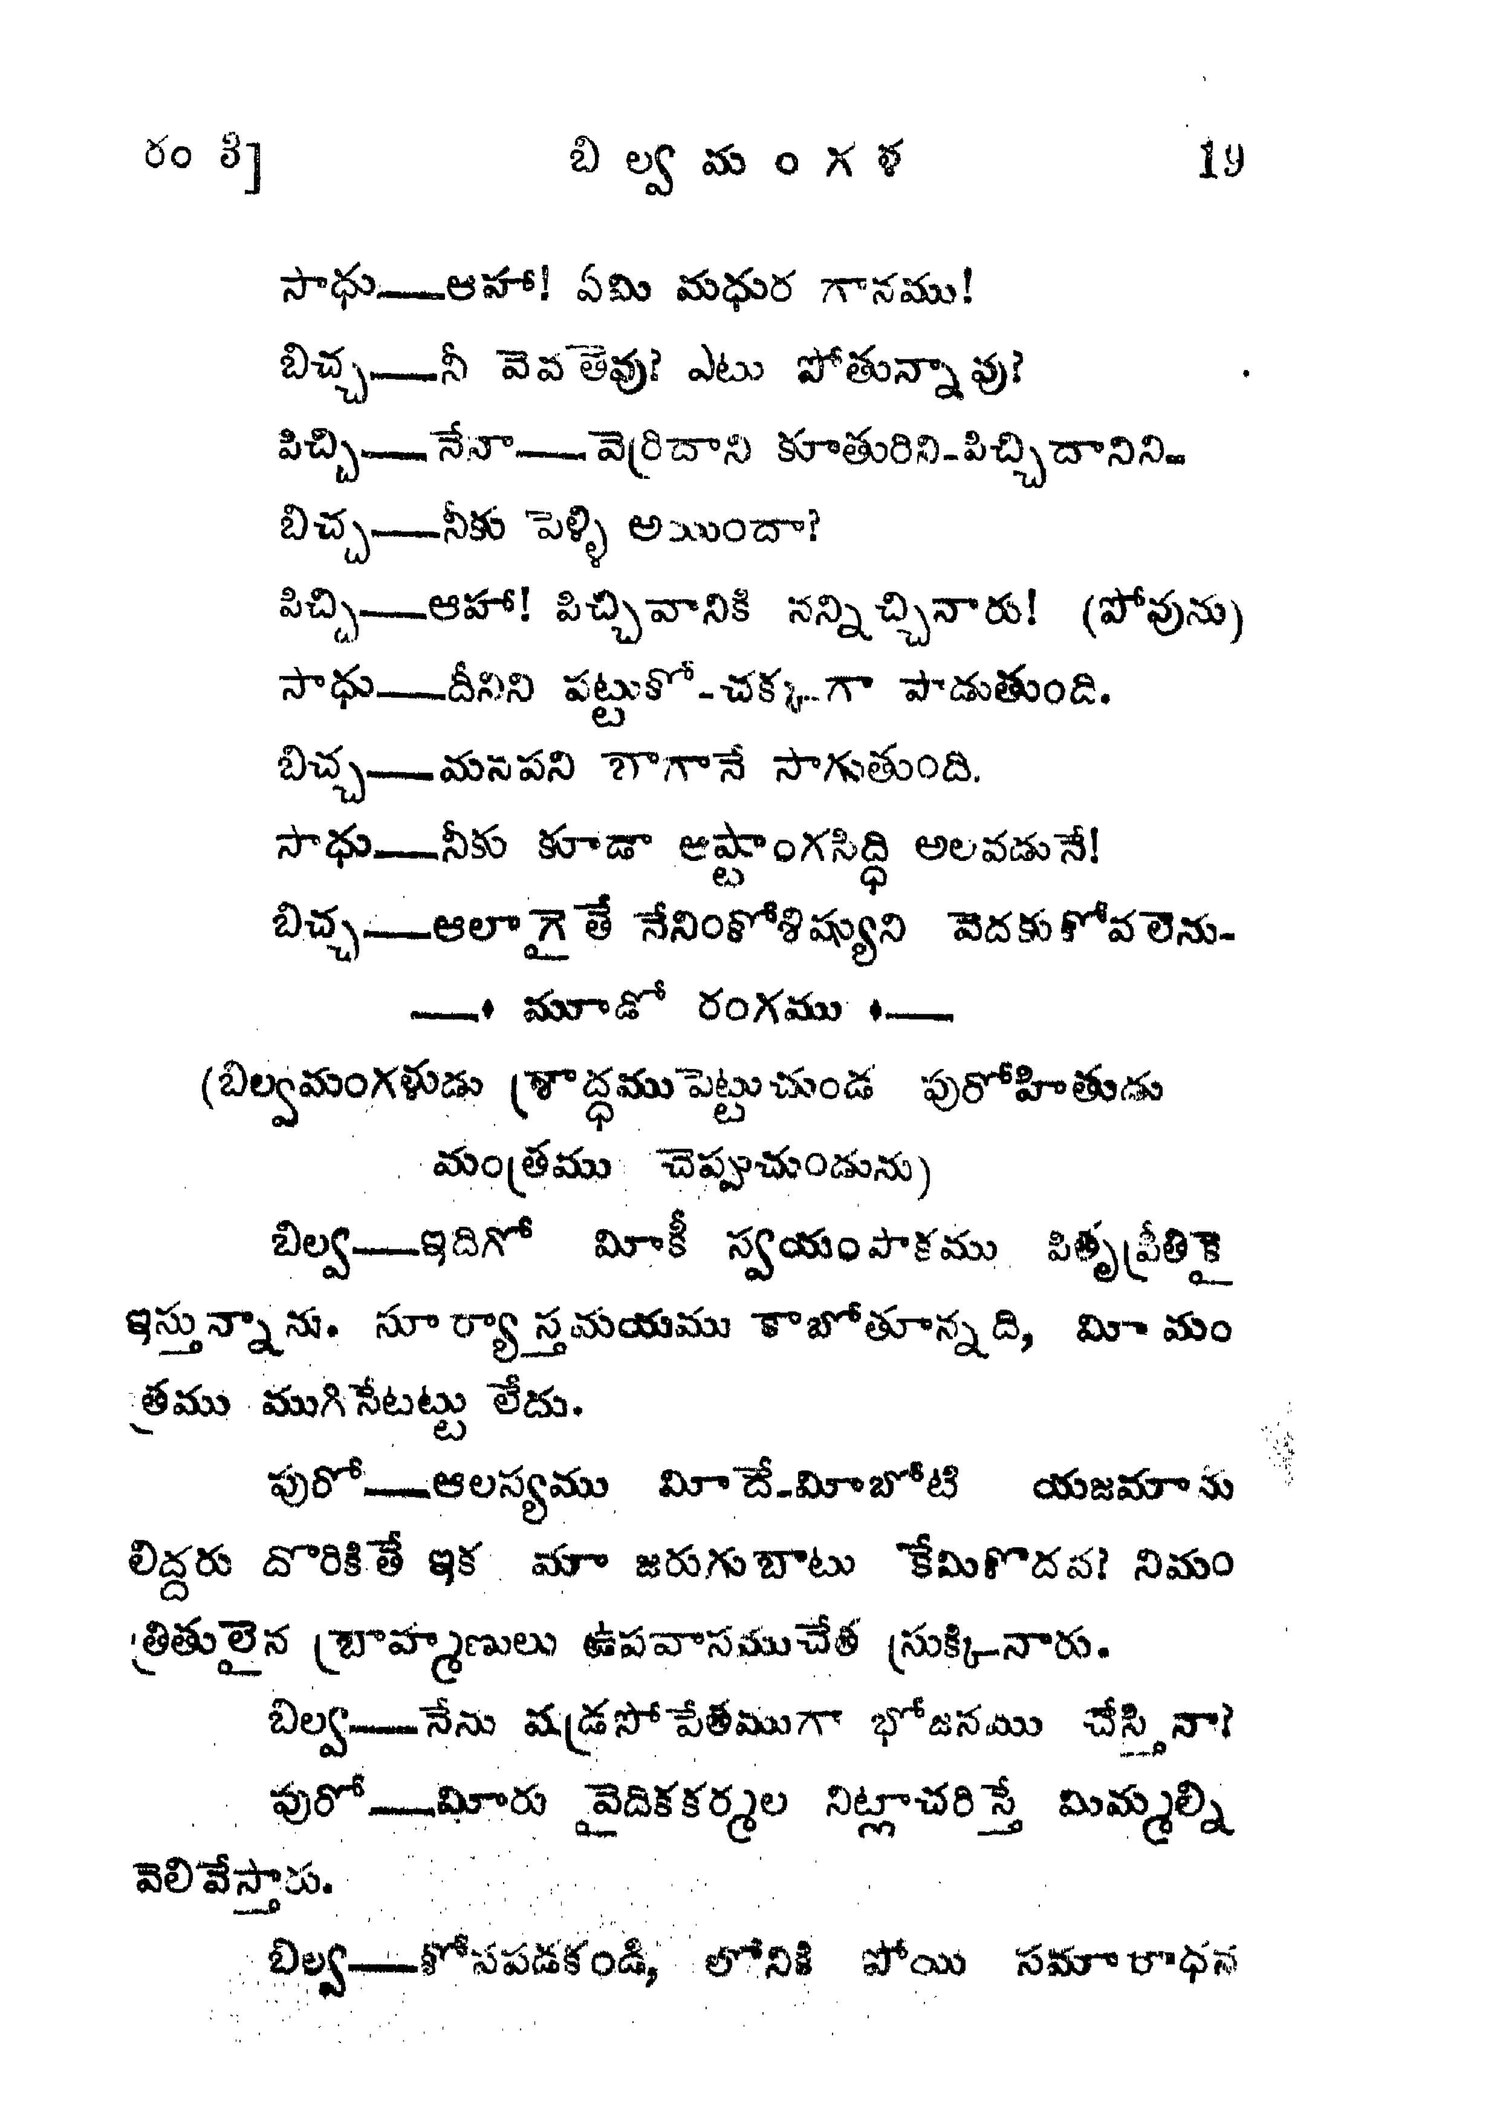సాధు - ఆహా! ఏమి మధుర గానము!

బిచ్చ - నీ వెవతెవు? ఎటు పోతున్నావు?

పిచ్చి - నేనా - వెర్రిదాని కూతురిని - పిచ్చిదానిని.

బిచ్చ - నీకు పెళ్ళి అయిందా?

పిచ్చి - ఆహా! పిచ్చివానికి నన్నిచ్చినారు! (పోవును)

సాధు - దీనిని పట్టుకో - చక్కగా పాడుతుంది.

బిచ్చ - మనపని బాగానే సాగుతుంది.

సాధు - నీకు కూడా అష్టాంగసిద్ధి అలవడునే!

బిచ్చ - ఆలాగైతే నేనింకోశిష్యుని వెదకుకోవలెను-

బిల్వ - ఇదిగో మీకీ స్వయంపాకము పితృప్రీతికై ఇస్తున్నాను. సూర్యాస్తమయము కాబోతూన్నది, మీ మంత్రము ముగిసేటట్టు లేదు.

పురో - ఆలస్యము మీదే - మీబోటి యజమాను లిద్దరు దొరికితే ఇక మా జరుగుబాటు కేమికొదవ? నిమంత్రితులైన బ్రాహ్మణులు ఉపవాసముచేత స్రుక్కినారు.

బిల్వ - నేను షడ్రసోపేతముగా బోజనము చేస్తినా?

పురో - మీరు వైదికకర్మల నిట్లాచరిస్తే మిమ్మల్ని వెలివేస్తారు.

బిల్వ - కోపపడకకండి, లోనికి పోయి సమారాధన